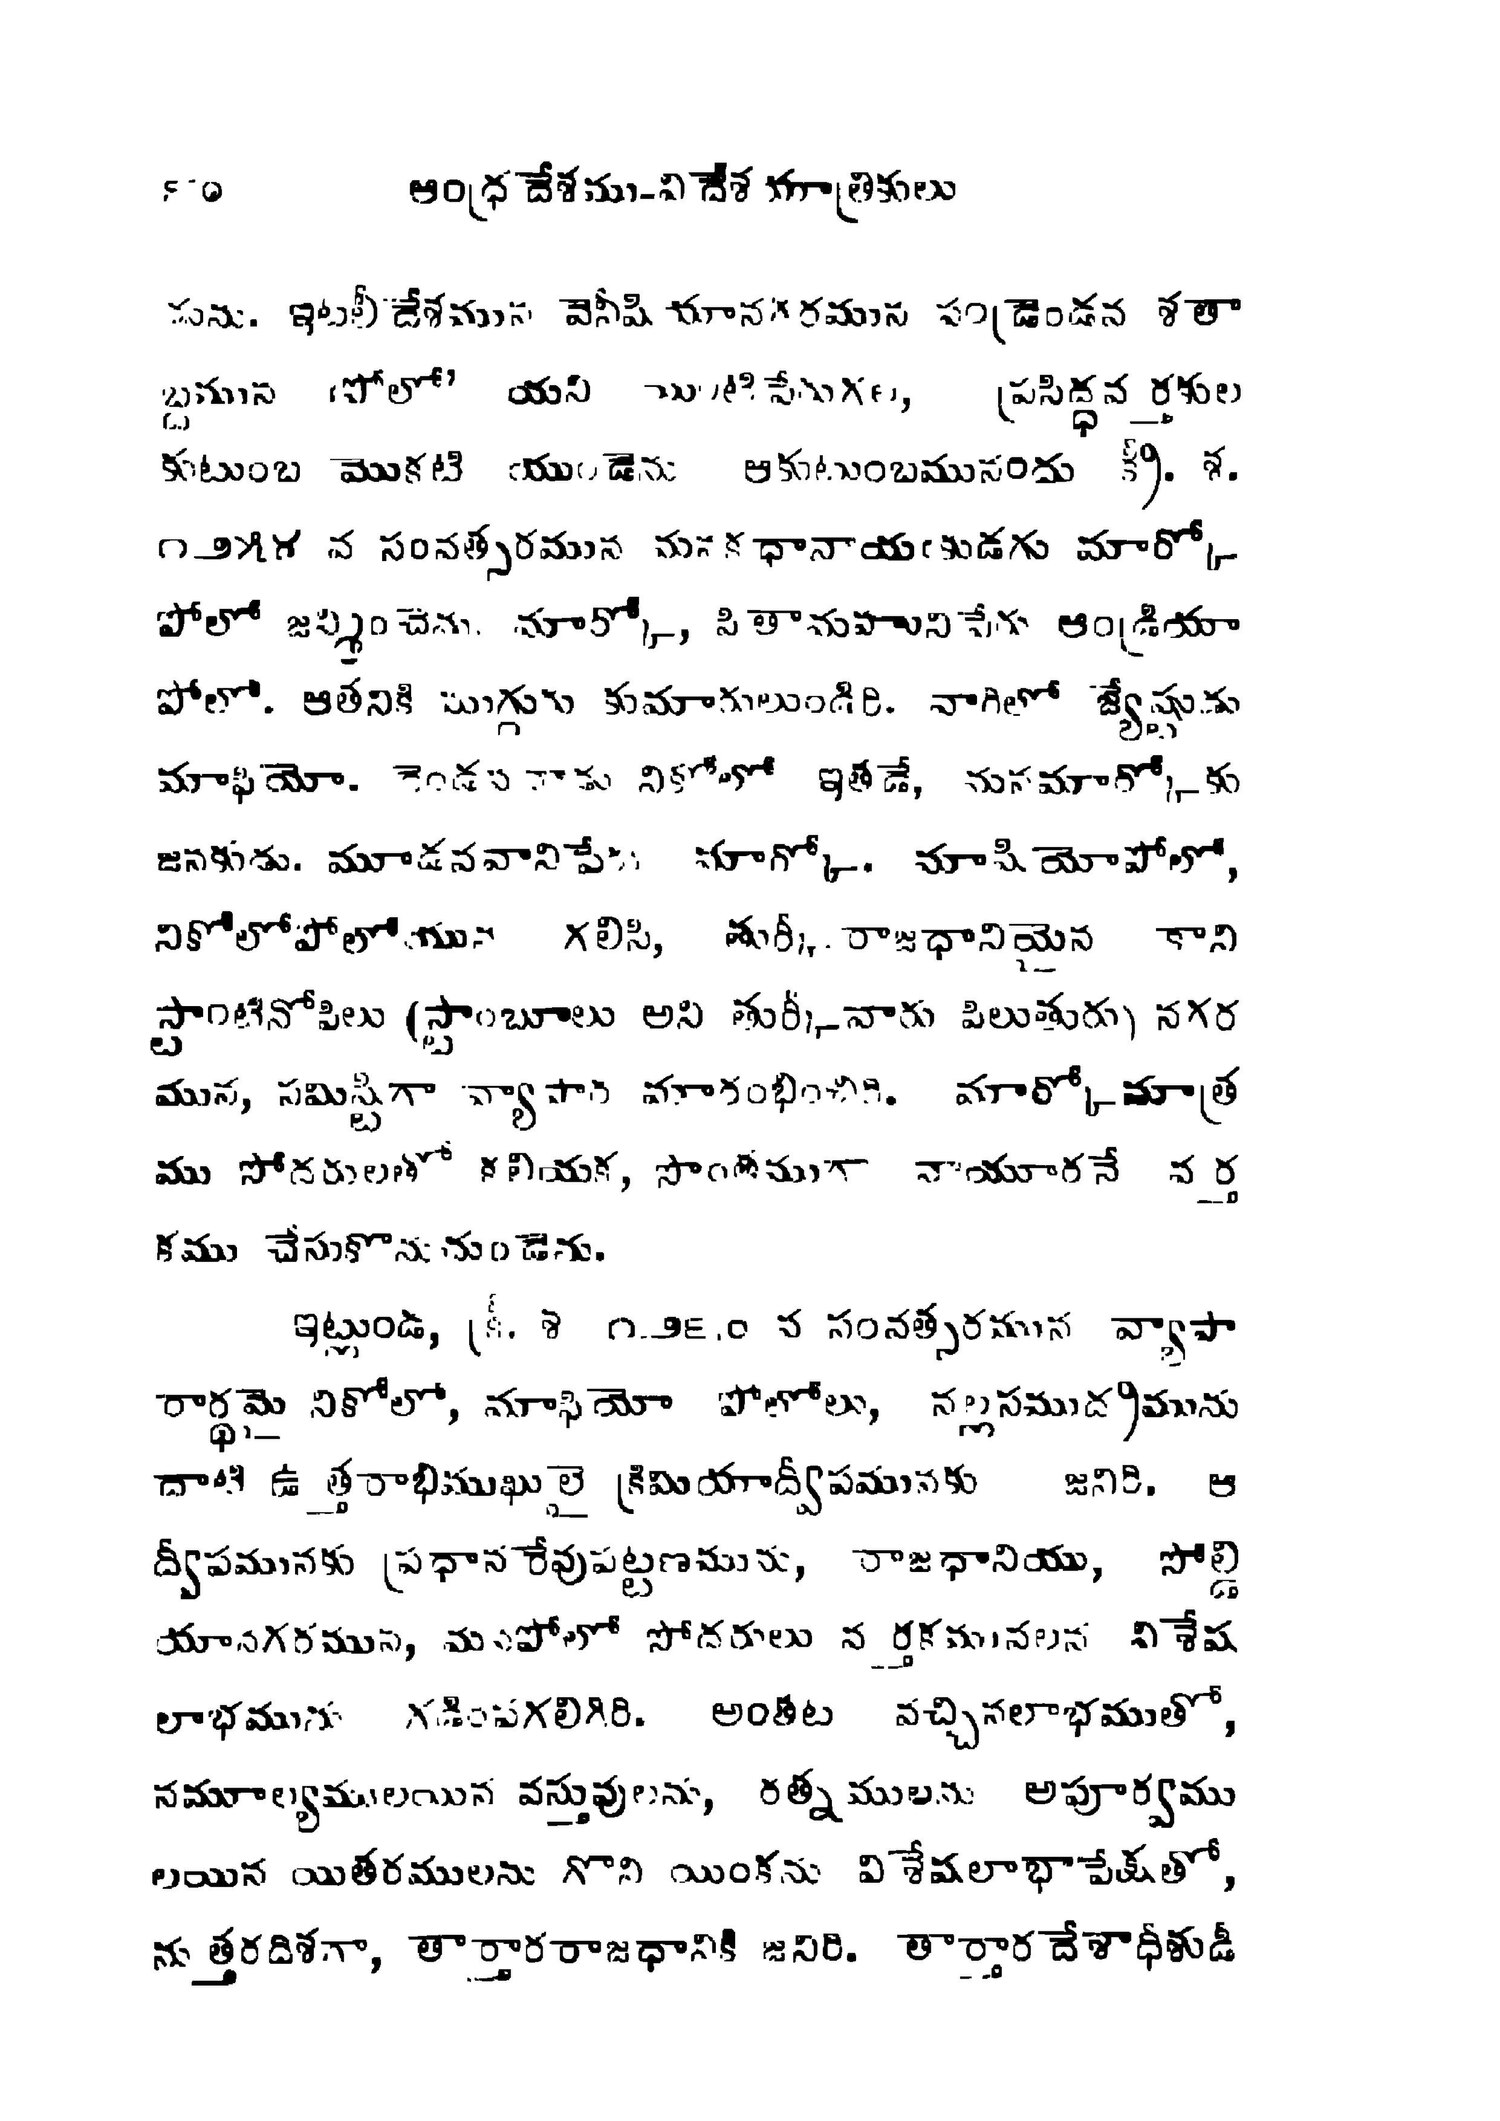డును. ఇటలీదేశమున వెనీషియానగరమున పండ్రెండవ శతాబ్దమున 'పోలో' యని యింటిపేరుగల, ప్రసిద్ధవర్తకుల కుటుంబము మొకటి యుండెను. ఆకుటుంబమునందు క్రీ.శ. 1254 వ సంవత్సరమున మన కధానాయకుడగు మార్కోపోలో జన్మించెను. మార్కో, పితామహునిపేరు ఆండ్రియాపోలో. ఆతనికి ముగ్గురు కుమారులుండిరి. వారిలో జ్యేష్టుడు మాఫియో. రెండవవాడు నికోలో ఇతడే, మనమార్కోకు జనకుడు. మూడవవానిపేరు మార్కో. మాషియోపోలో, నికోలోపోలోయును గలిసి, తుర్కీ రాజధానియైన కానిస్టాంటినోపిలు (స్టాంబూలూ అని తుర్కీవారు పిలుతురు) నగరమున, సమిష్టిగా వ్యాపార మారంభించిరి. మార్కోమాత్రము సోదరులతో కలియక, సొంతముగా నాయూరనే వర్తకము చేసుకొనుచుండెను.

ఇట్లుండ, క్రీ.శ. 1260 వ సంవత్సరమున వ్యాపారార్థమై నికోలో, మాఫియో పోలోలు, నల్లసముద్రమును దాటి ఉత్తరాభిముఖులై క్రిమియాద్వీపమునకు జనిరి. ఆ ద్వీపమునకు ప్రధానరేవు పట్టణమును, రాజధానియు, సోల్డియా నగరమున, మనపోలో సోదరులు వర్తకమువలన విశేష లాభమును గడింపగలిగిరి. అంతట వచ్చిన లాభముతో, నమూల్యములయిన వస్తువులను, రత్నములను అపూర్వము లయిన యితరములను గొని యింకను విశేషలాభాపేక్షతో, నుత్తరదిశగా, తార్తారరాజధానికి జనిరి. తార్తారదేశాధీశుడీ